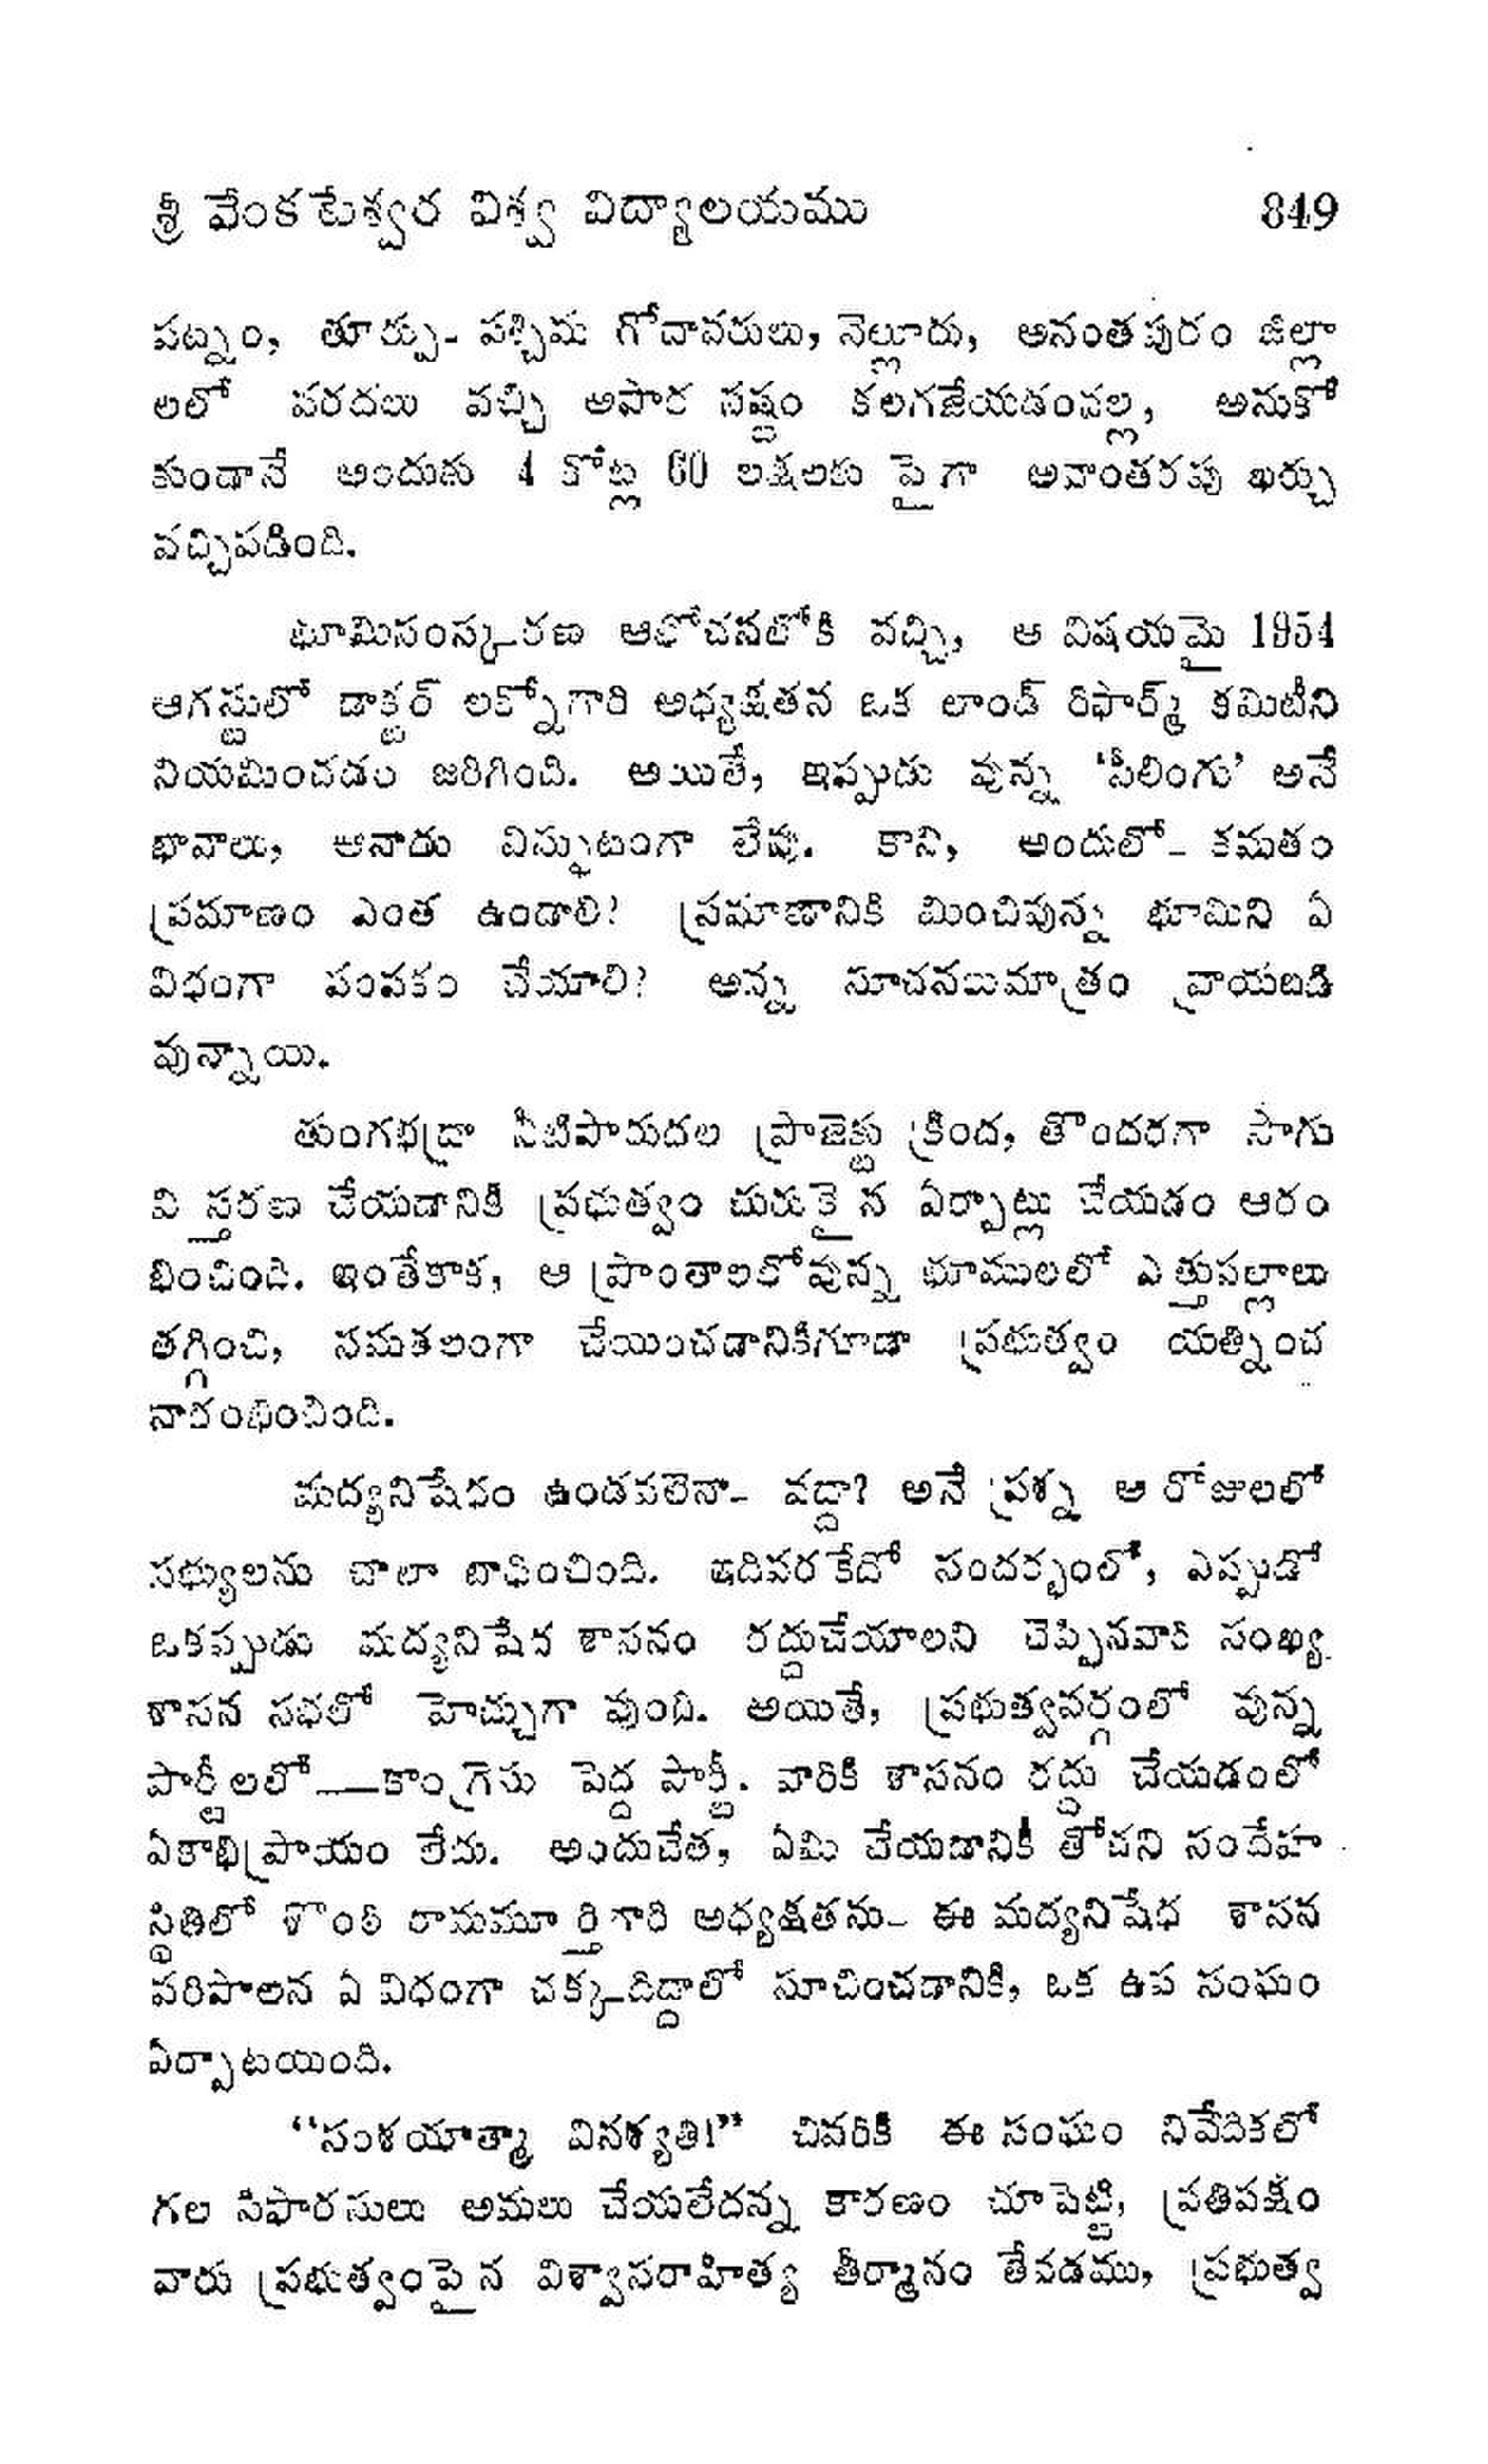పట్నం, తూర్పు - పశ్చిమ గోదావరులు, నెల్లూరు, అనంతపురం జిల్లాలలో వరదలు వచ్చి అపార నష్టం కలగజేయడంవల్ల, అనుకోకుండానే అందుకు 4 కోట్ల 60 లక్షలకు పైగా అవాంతరపు ఖర్చు వచ్చిపడింది.

భూమిసంస్కరణ ఆలోచనకి వచ్చి, ఆ విషయమై 1954 ఆగస్టులో డాక్టర్ లక్నోగారి అధ్యక్షతన ఒక లాండ్ రిఫార్మ్ కమిటీని నియమించడం జరిగింది. అయితే, ఇప్పుడు వున్న 'సీలీంగు' అనే భావాలు, ఆనాడు విస్ఫుటంగా లేవు. కాని, అందులో - కమతం ప్రమాణం ఎంత ఉండాలి? ప్రమాణానికి మించివున్న భూమిని ఏ విధంగా పంపకం చేయాలి? అన్న సూచనలుమాత్రం వ్రాయబడి వున్నాయి.

తుంగభద్రా నీటిపారుదల ప్రాజెక్టు క్రింద, తొందరగా సాగు విస్తరణ చేయడానికి ప్రభుత్వం చురుకైన ఏర్పాట్లు చేయడం ఆరంభించింది. ఇంతేకాక, ఆ ప్రాంతాలలోవున్న భూములలో ఎత్తుపల్లాలు తగ్గించి, సమతలంగా చేయించడానికిగూడా ప్రభుత్వం యత్నించ నారంభించింది.

మద్యనిషేధం ఉండవలెనా - వద్దా? అనే ప్రశ్న ఆ రోజులలో సభ్యులను చాలా బాధించింది. ఇదివరకేదో సందర్భంలో, ఎప్పుడో ఒకప్పుడు మద్యనిషేధ శాసనం రద్దుచేయాలని చెప్పినవారి సంఖ్య శాసన సభలో హెచ్చుగా వుంది. అయితే, ప్రభుత్వవర్గంలో వున్న పార్టీలలో - కాంగ్రెసు పెద్ద పార్టీ. వారికి శాసనం రద్దు చేయడంలో ఏకాభిప్రాయం లేదు. అందుచేత, ఏమి చేయడానికీ తోచని సందేహస్థితిలో శొంఠి రామమూర్తిగారి అధ్యక్షతను ఈ మద్యనిషేధ శాసన పరిపాలన ఏ విధంగా చక్కదిద్దాలో సూచించడానికి, ఒక ఉప సంఘం ఏర్పాటయింది.

"సంశయాత్మా వినశ్యతి!" చివరికి ఈ సంఘం నివేదికలో గల సిఫారసులు అమలు చేయలేదన్న కారణం చూపెట్టి, ప్రతిపక్షం వారు ప్రభుత్వంపైన విశ్వాసరాహిత్య తీర్మానం తేవడము, ప్రభుత్వ